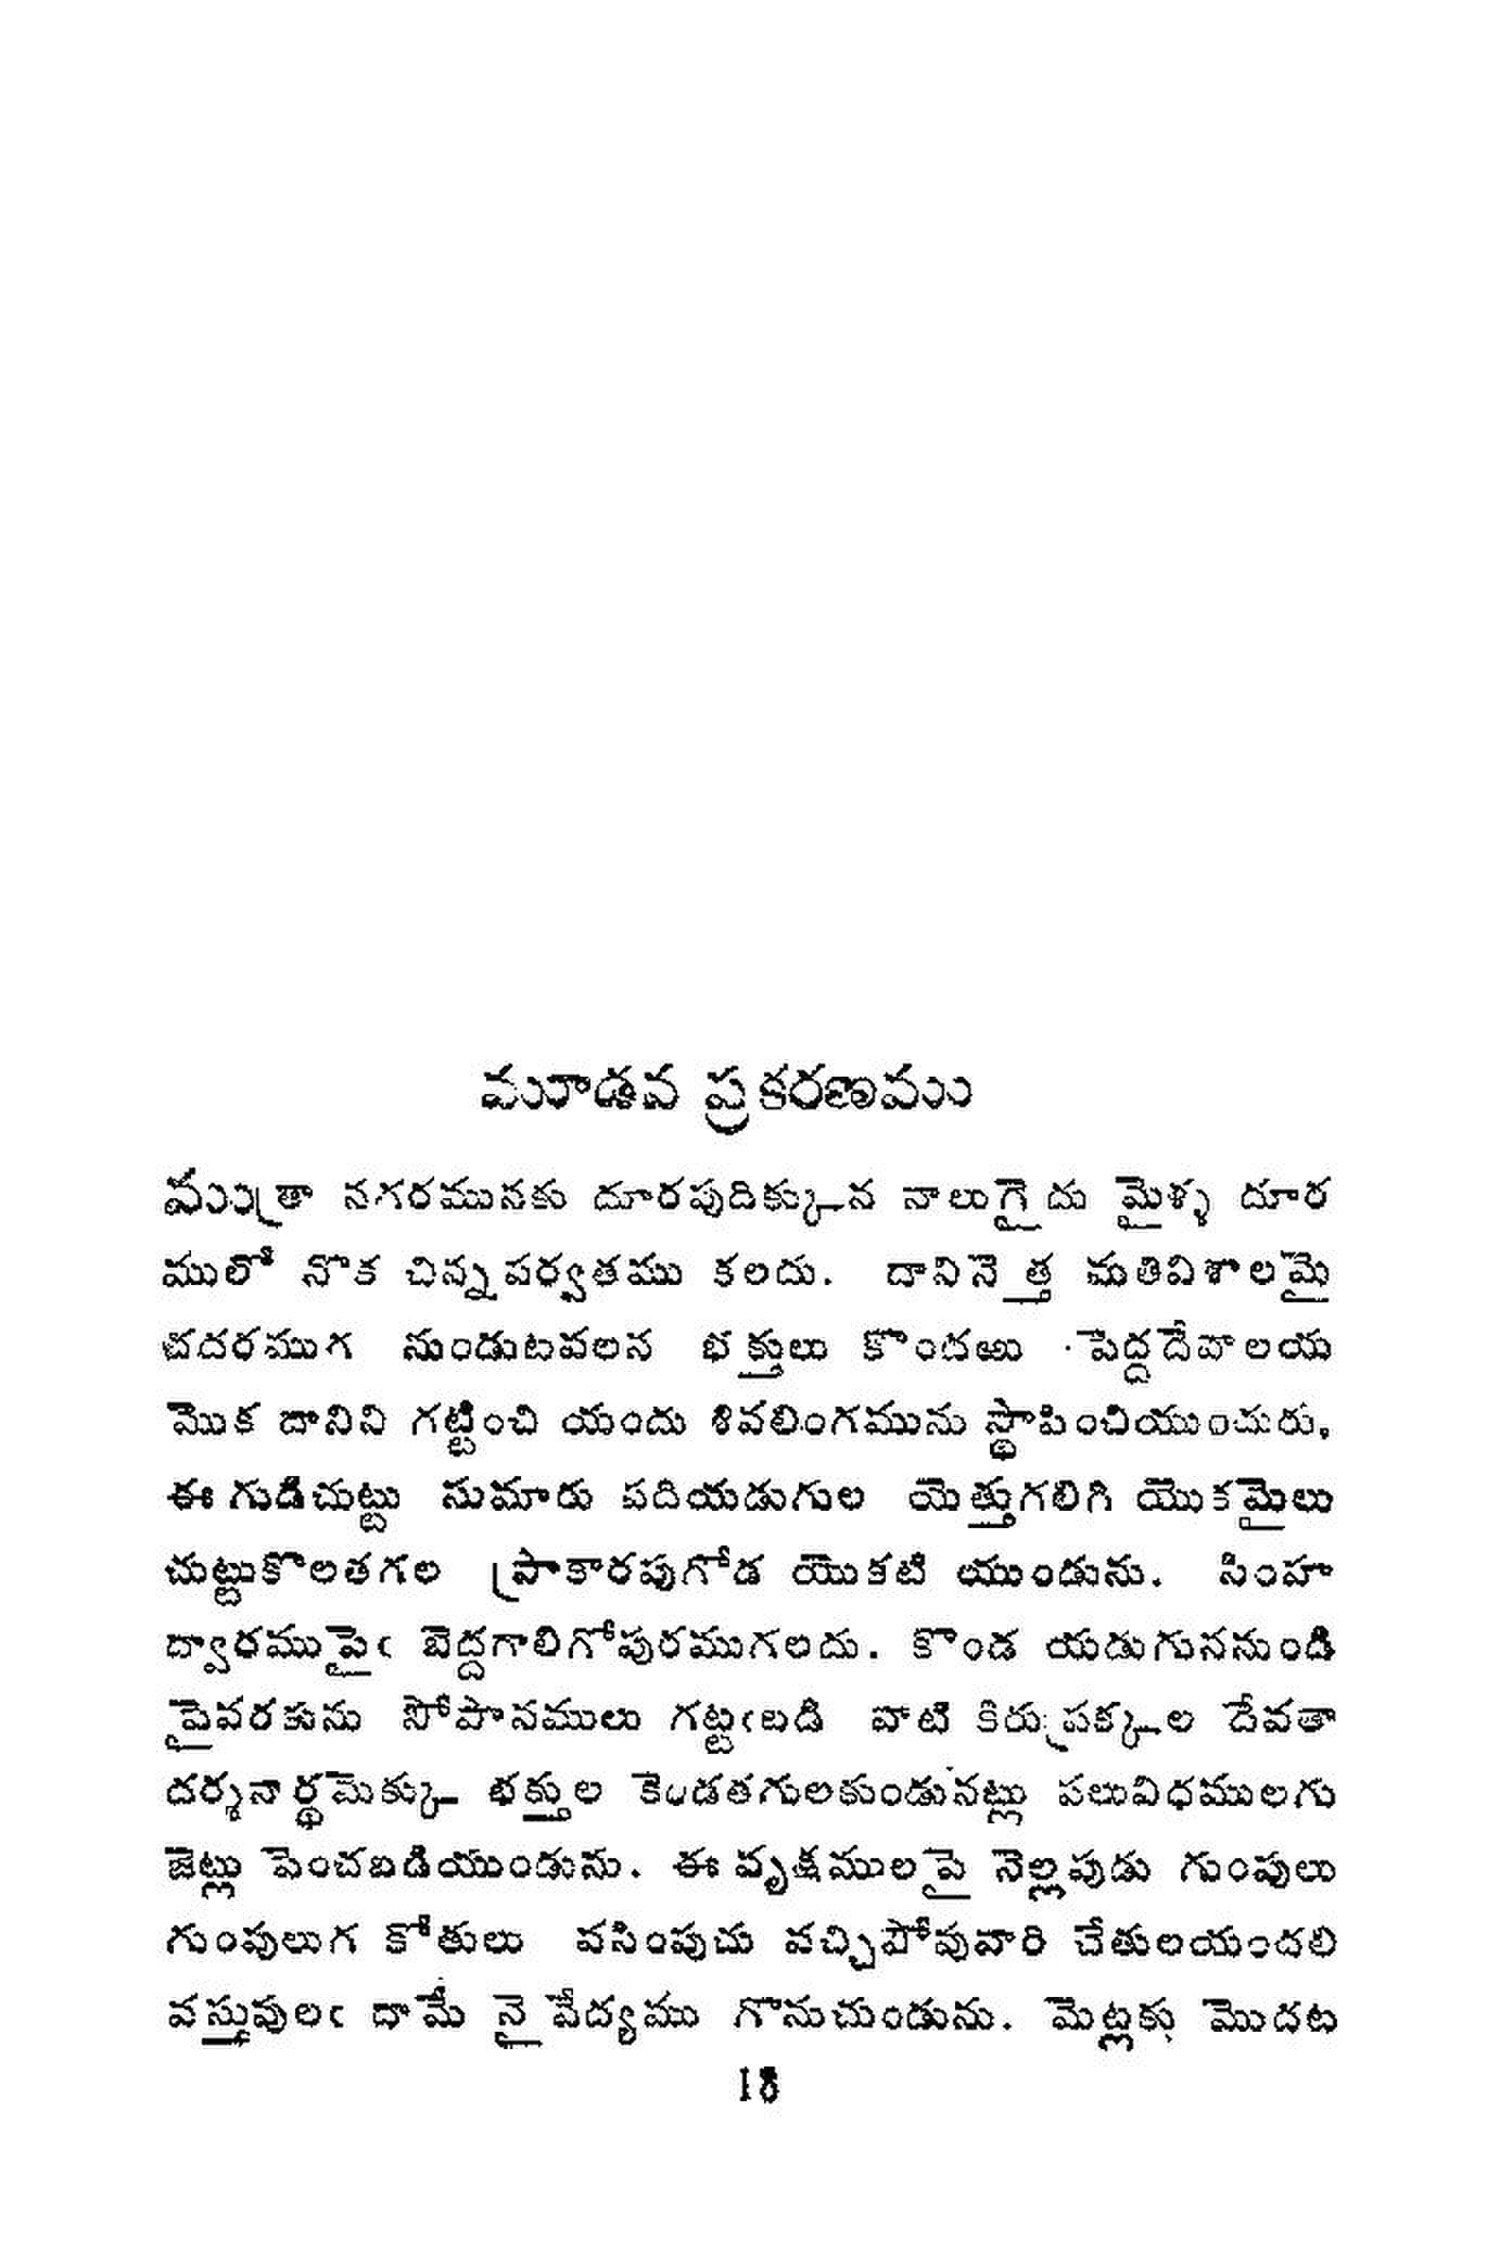మూడవ ప్రకరణము

త్రా నగరమునకు దూరపుదిక్కున నాలుగైదు మైళ్ళ దూరములో నొక చిన్నపర్వతము కలదు. దానినెత్త మతివిశాలమై చదరముగ నుండుటవలన భక్తులు కొందఱు పెద్దదేవాలయ మొక దానిని గట్టించి యందు శివలింగమును స్థాపించియుందురు. ఈ గుడిచుట్టు సుమారు పదియడుగుల యెత్తుగలిగి యొకమైలు చుట్టుకొలతగల ప్రాకారపుగోడ యొకటి యుండును. సింహ ద్వారముపైఁ బెద్దగాలిగోపురముగలదు. కొండ యడుగుననుండి పైవరకును సోపానములు గట్టఁబడి వాటి కిరుప్రక్కల దేవతా దర్శనార్థమెక్కు భక్తుల కెండతగులకుండునట్లు పలువిధములగు జెట్లు పెంచబడియుండును. ఈ వృక్షములపై నెల్లపుడు గుంపులు గుంపులుగ కోతులు వసింపుచు వచ్చిపోవువారి చేతులయందలి వస్తువులఁ దామే నైవేద్యము గొనుచుండును. మెట్లకు మొదట